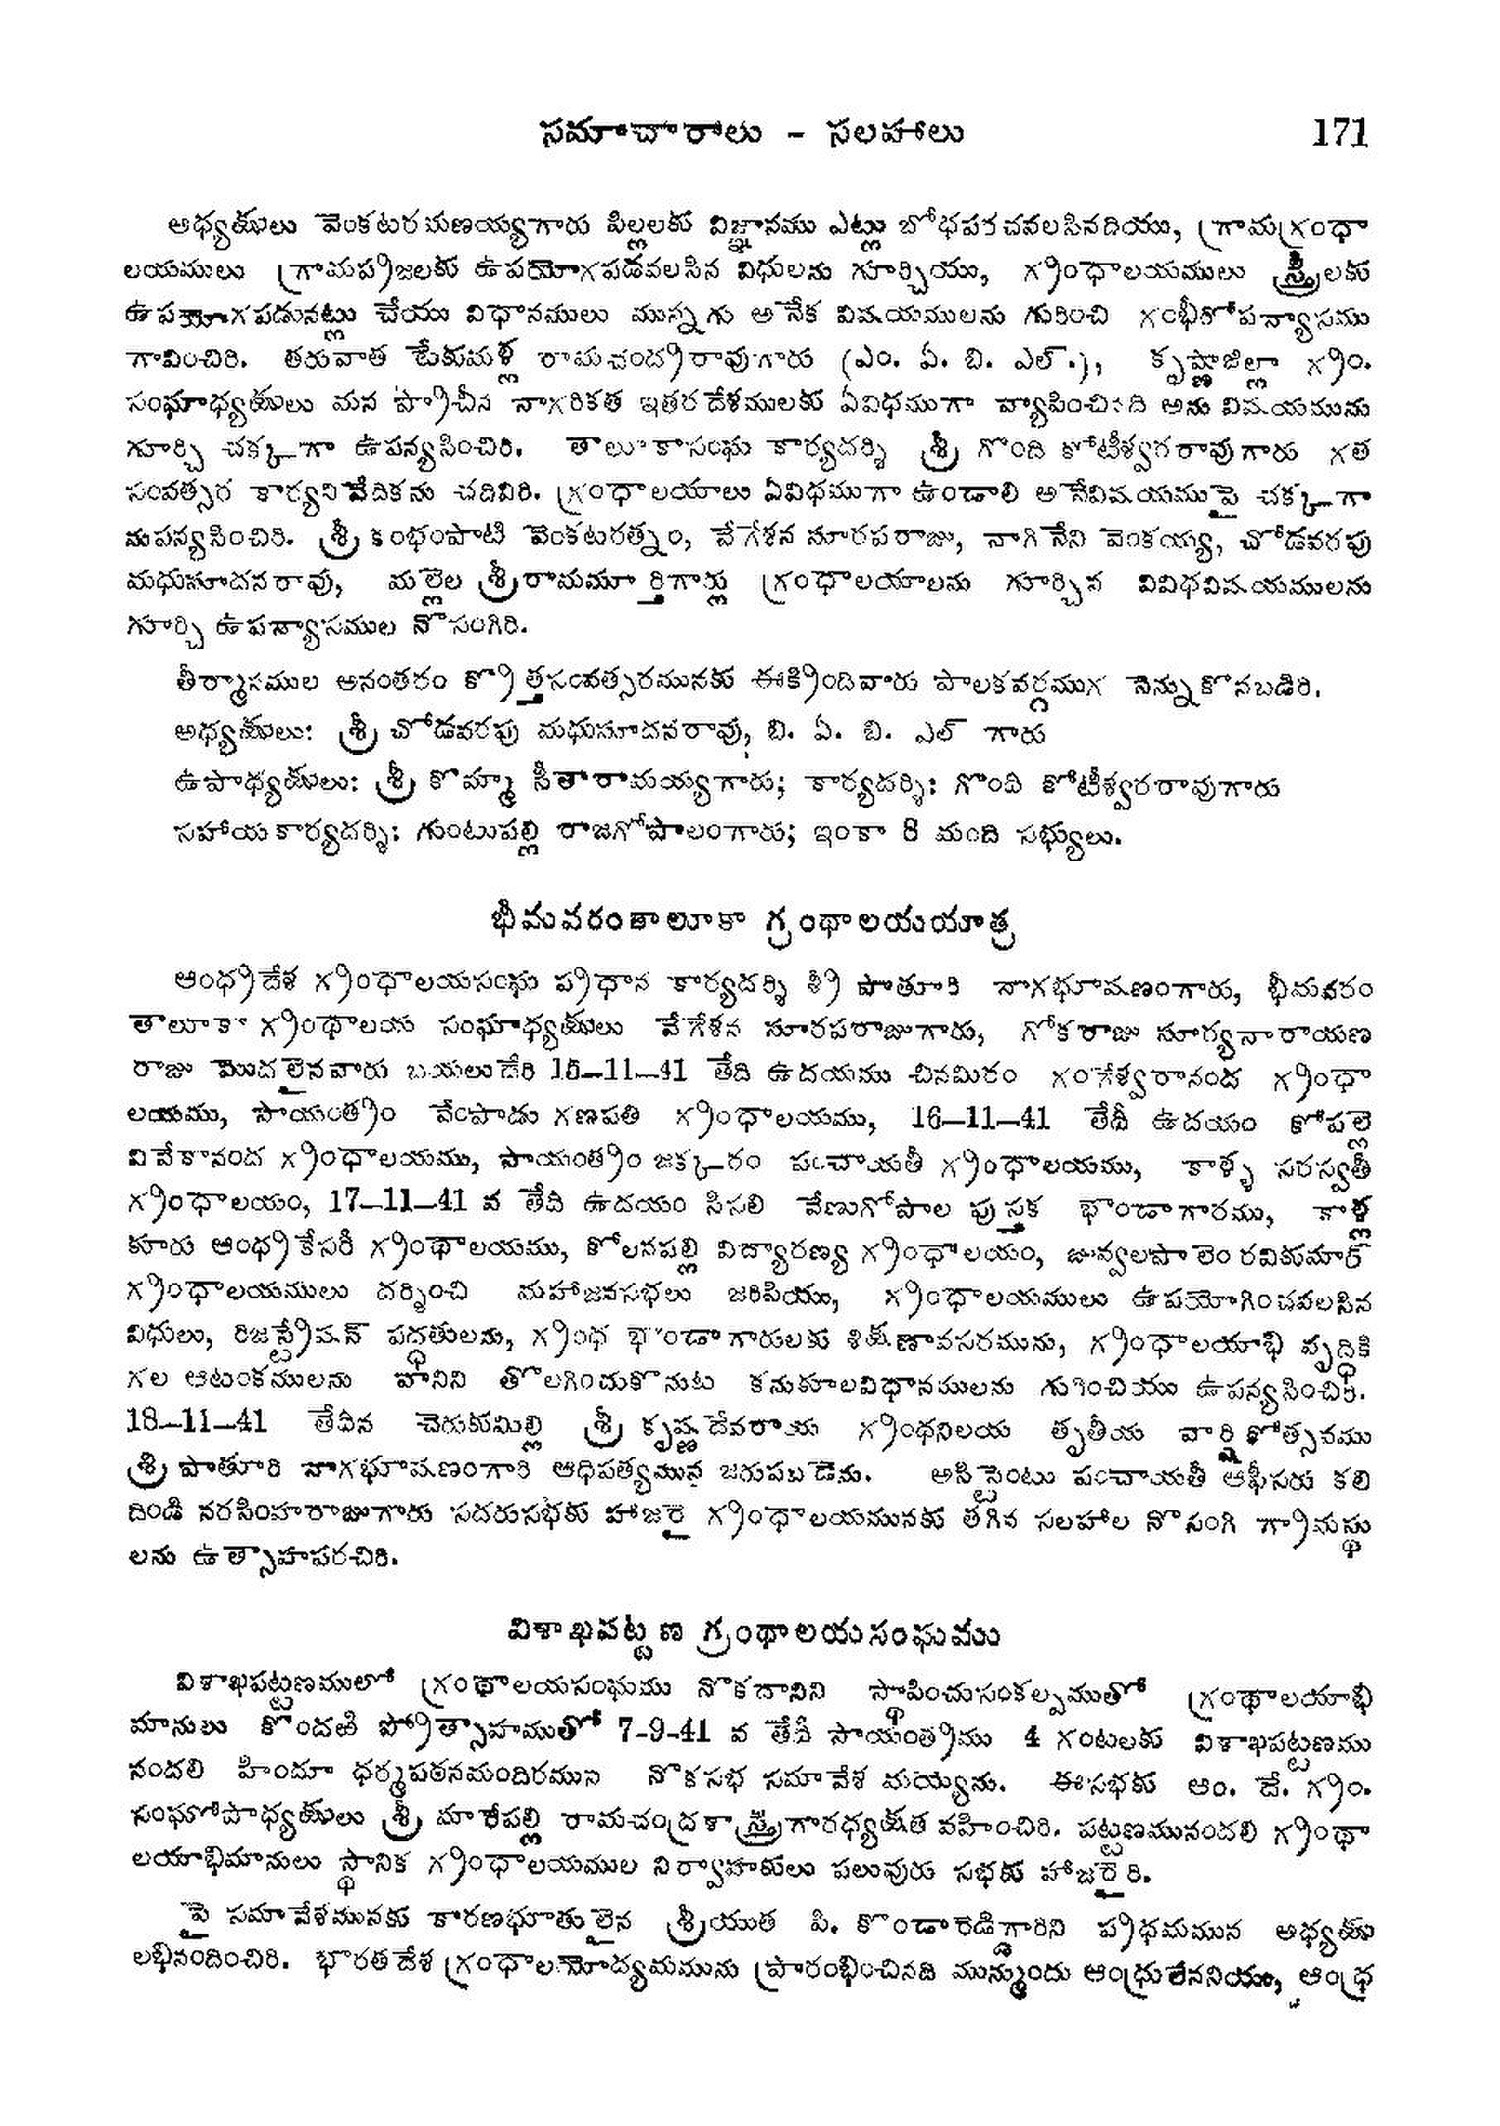అధ్యక్షులు వెంకటరమణయ్యగారు పిల్లలకు విజ్ఞానము ఎట్లు బోధపరచవలసినదియు, గ్రామగ్రంధాలు గ్రామప్రజలకు 
ఉపయోగపడవలసిన విధులను గూర్చియు, గ్రంధాలయములు స్త్రీలకు ఉపయోగపడునట్లు చేయు విధానములు మున్నగు అనేక విషయములను గురించి గంభీరోపన్యాసము గావించిరి. తరువాత టేకుమళ్ల రామచంద్రరావు గారు (ఎం.ఏ.బి.ఎల్.), కృష్ణాజిల్లా 
గ్ర౦. సంఘాధ్యక్షులు మన ప్రాచీన నాగరికత ఇతర దేశములకు ఏవిధముగా వ్యాపించినది అను విషయమును గూర్చి చక్కగా ఉపన్యసించిరి. తాలుకాసంఘ కార్యదర్శి శ్రీ గొంది కోటీశ్వర రావు గారు గతసంవత్సర కార్యనివేదికను చదివిరి. గ్రంథాలయాలు
ఏవిధముగా ఉండాలి అనే విషయముపై చక్కగా ముపన్యసించిరి. శ్రీ కంభంపాటి వెంకటరత్నం, వేగేశన సూరపరాజు, నాగినేని 
వెంకయ్య, చోడవరపు మధుసూదనరావు, మల్లెల శ్రీరామమూర్తిగార్లు గ్రంధాలయాలను గూర్చిన వివిధవిషయములను గూర్చి 
ఉపన్యాసముల నొసంగిరి.

తీర్మాసముల అనంతరం కొత్తసంవత్సరమునకు ఈకింది వారు పాలకవర్గముగ నెన్నుకొనబడిరి.

అధ్యక్షులు: శ్రీ చోడవరపు మధుసూదనరావు, బి. ఏ. బి. ఎల్ గారు
ఉపాధ్యక్షులు: శ్రీ కొమ్మా సీతారామయ్యగారు; కార్యదర్శి: గొంది కోటీశ్వరరావుగారు
సహాయ కార్యదర్శి: గుంటుపల్లి రాజగోపాలం గారు; ఇంకా 8 మంది సభ్యులు.

ఆంధ్ర దేశ గ్రంధాలయసంఘ ప్రధాన కార్యదర్శి శ్రీ పాతూరి నాగభూషణంగారు, భీమవరం తాలూకా గ్రంథాలయ సంఘాధ్యక్షులు 
వేగేశన సూరపరాజుగారు, గోకరాజు సూర్యనారాయణ రాజు మొదలైనవారు బయలుదేరి 15-11-41 తేది ఉదయము చినమిరం గంగేశ్వరానంద గ్రంధాలయము, సాయంత్రం వేపాడు గణపతి గ్రంధాలయము, 16–11–41 తేదీ ఉదయం కోపల్లె
వివేకానంద గ్రంధాలయము, సాయంత్రం జక్కరం సంచాయతీ గ్రంధాలయము, కాళ్ళ సరస్వతీ గ్రంధాలయం, 
17–11-41 వ తేది ఉదయం సిసలి వేణుగోపాల పుస్తక భాండాగారము, కాళ్లకూరు ఆంధ్రకేసరీ గ్రంథాలయము, కోలనపల్లి 
విద్యారణ్య గ్రంధాలయం, జువ్వలపాలెం రవికుమార్ గ్రంధాలయములు దర్శించి మహాజనసభలు జరిపియు, గ్రంథలయములు ఉపయోగించవలసిన విధులు, రిజిస్ట్రేషన్ పద్ధతులను, గ్రంధ భండాగారులకు శిక్షణావసరమును, గ్రంధాలయాభి వృద్దికి
గల ఆటంకములను దానిని తొలగించుకొనుట కనుకూల విధానములను గురించియు ఉపన్యసించిరి.
18-11-41 తేదీన చెరుకుమిల్లి శ్రీ కృష్ణదేవరాయ గ్రంథానిలయ తృతీయ వార్షికోత్సవము శ్రీ పాతూరి నాగభూషణంగారి 
ఆధిపత్యమున జరుపబడెను. అసిస్టెంట్ పంచాయతీ ఆఫీసరు కలిదిండి నరసింహరాజు గారు సదరుసభకు హాజరై 
గ్రంధాలయమునకు తగిన సలహాల నొసంగి గ్రామస్థులను ఉత్సాహపరచిరి.

విశాఖపట్టణములో గ్రంథాలయసంఘము నొకదానిని స్థాపించుసంకల్పముతో గ్రంథాలయాభిమానులు కొందఱి ప్రోత్సాహముతో 
7-9-41 వ తేదీ సాయంత్రము 4 గంటలకు విశాఖపట్టణము నందలి హిందూ ధర్మపఠనమందిరముని నొకసభ 
సమావేశమయ్యను. ఈ సభకు ఆం.దే.గ్రాం.సంఘాపాధ్యక్షులు శ్రీ మారేపల్లి రామచంద్రశాస్త్రిగారధ్యక్షత వహించిరి. 
పట్టణమునందలి గ్రంథాలయాభిమానులు స్థానిక గ్రంధాలయముల నిర్వాహకులు పలువురు సభకు హాజరైరి.

పై సమావేశమునకు కారణభూతులైన శ్రీయుత పి. కొండారెడ్డి గారిని ప్రధమమున అధ్యక్షులభినందించిరి. భారత దేశ గ్రంధాలయోద్యమమును ప్రారంభించినది మున్ముందు ఆంధ్రులేననియ్య, ఆంధ్ర